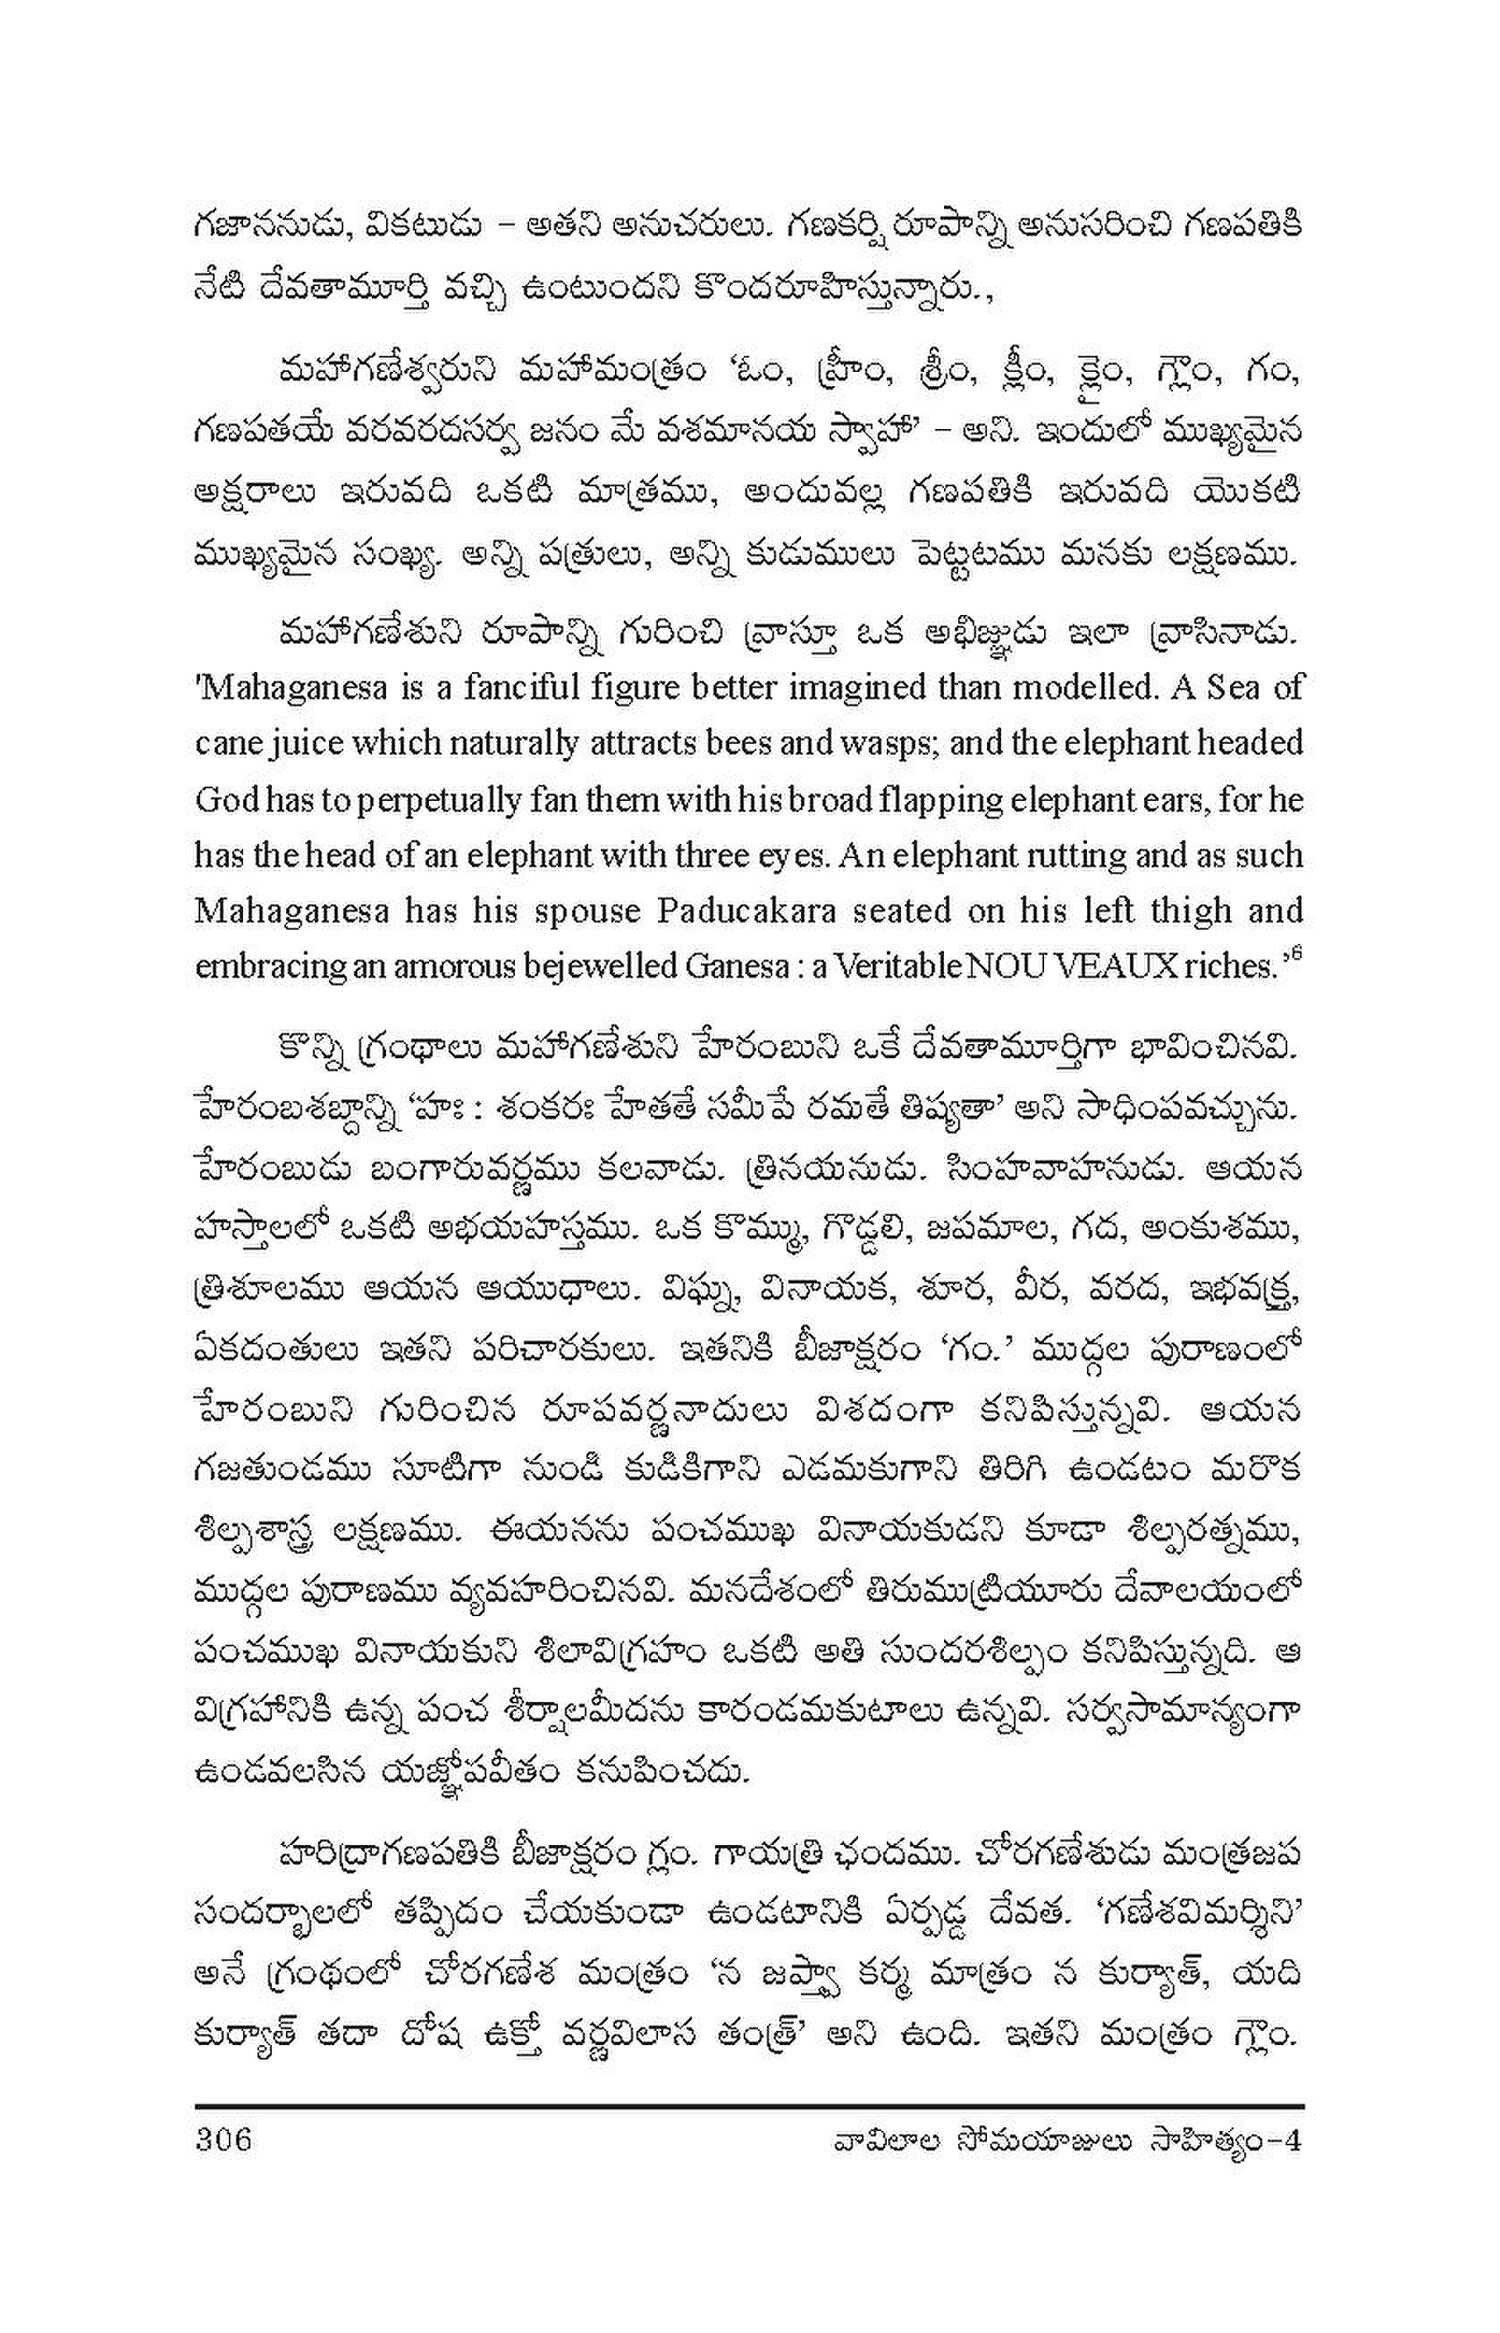గజాననుడు, వికటుడు - అతని అనుచరులు. గణకర్షి రూపాన్ని అనుసరించి గణపతికి
నేటి దేవతామూర్తి వచ్చి ఉంటుందని కొందరూహిస్తున్నారు.,

మహాగణేశ్వరుని మహామంత్రం 'ఓం, హ్రీం, శ్రీం, క్లీం, క్లైం, గ్లౌం, గం,
గణపతయే వరవరదసర్వ జనం మే వశమానయ స్వాహా' - అని. ఇందులో ముఖ్యమైన
అక్షరాలు ఇరువది ఒకటి మాత్రము, అందువల్ల గణపతికి ఇరువది యొకటి
ముఖ్యమైన సంఖ్య. అన్ని పత్రులు, అన్ని కుడుములు పెట్టటము మనకు లక్షణము.

మహాగణేశుని రూపాన్ని గురించి వ్రాస్తూ ఒక అభిజ్ఞుడు ఇలా వ్రాసినాడు.
'Mahaganesa is a fanciful figure better imagined than modelled. A Sea of
cane juice which naturally attracts bees and wasps; and the elephant headed
God has to perpetually fan them with his broad flapping elephant ears, for he
has the head of an elephant with three eyes. An elephant rutting and as such
Mahaganesa has his spouse Paducakara seated on his left thigh and
embracing an amorous bejewelled Ganesa : a Veritable NOU VEAUX riches. ⁹6

కొన్ని గ్రంథాలు మహాగణేశుని హేరంబుని ఒకే దేవతామూర్తిగా భావించినవి.
హేరంబశబ్దాన్ని 'హః : శంకరః హేతతే సమీపే రమతే తిష్యతా' అని సాధింపవచ్చును.
హేరంబుడు బంగారువర్ణము కలవాడు. త్రినయనుడు. సింహవాహనుడు. ఆయన
హస్తాలలో ఒకటి అభయహస్తము. ఒక కొమ్ము, గొడ్డలి, జపమాల, గద, అంకుశము,
త్రిశూలము ఆయన ఆయుధాలు. విఘ్న, వినాయక, శూర, వీర, వరద, ఇభవక్త్ర,
ఏకదంతులు ఇతని పరిచారకులు. ఇతనికి బీజాక్షరం 'గం.' ముద్గల పురాణంలో
హేరంబుని గురించిన రూపవర్ణనాదులు విశదంగా కనిపిస్తున్నవి. ఆయన
గజతుండము సూటిగా నుండి కుడికిగాని ఎడమకుగాని తిరిగి ఉండటం మరొక
శిల్పశాస్త్ర లక్షణము. ఈయనను పంచముఖ వినాయకుడని కూడా శిల్పరత్నము,
ముద్గల పురాణము వ్యవహరించినవి. మనదేశంలో తిరుముద్రియూరు దేవాలయంలో
పంచముఖ వినాయకుని శిలావిగ్రహం ఒకటి అతి సుందరశిల్పం కనిపిస్తున్నది. ఆ
విగ్రహానికి ఉన్న పంచ శీర్షాలమీదను కారండమకుటాలు ఉన్నవి. సర్వసామాన్యంగా
ఉండవలసిన యజ్ఞోపవీతం కనుపించదు.

హరిద్రాగణపతికి బీజాక్షరం గ్లం. గాయత్రి ఛందము. చోరగణేశుడు మంత్రజప
సందర్భాలలో తప్పిదం చేయకుండా ఉండటానికి ఏర్పడ్డ దేవత. 'గణేశవిమర్శిని'
అనే గ్రంథంలో చోరగణేశ మంత్రం 'న జప్త్వా కర్మ మాత్రం న కుర్యాత్, యది
కుర్యాత్ తదా దోష ఉక్తో వర్ణవిలాస తంత్ర' అని ఉంది. ఇతని మంత్రం గ్లాం.